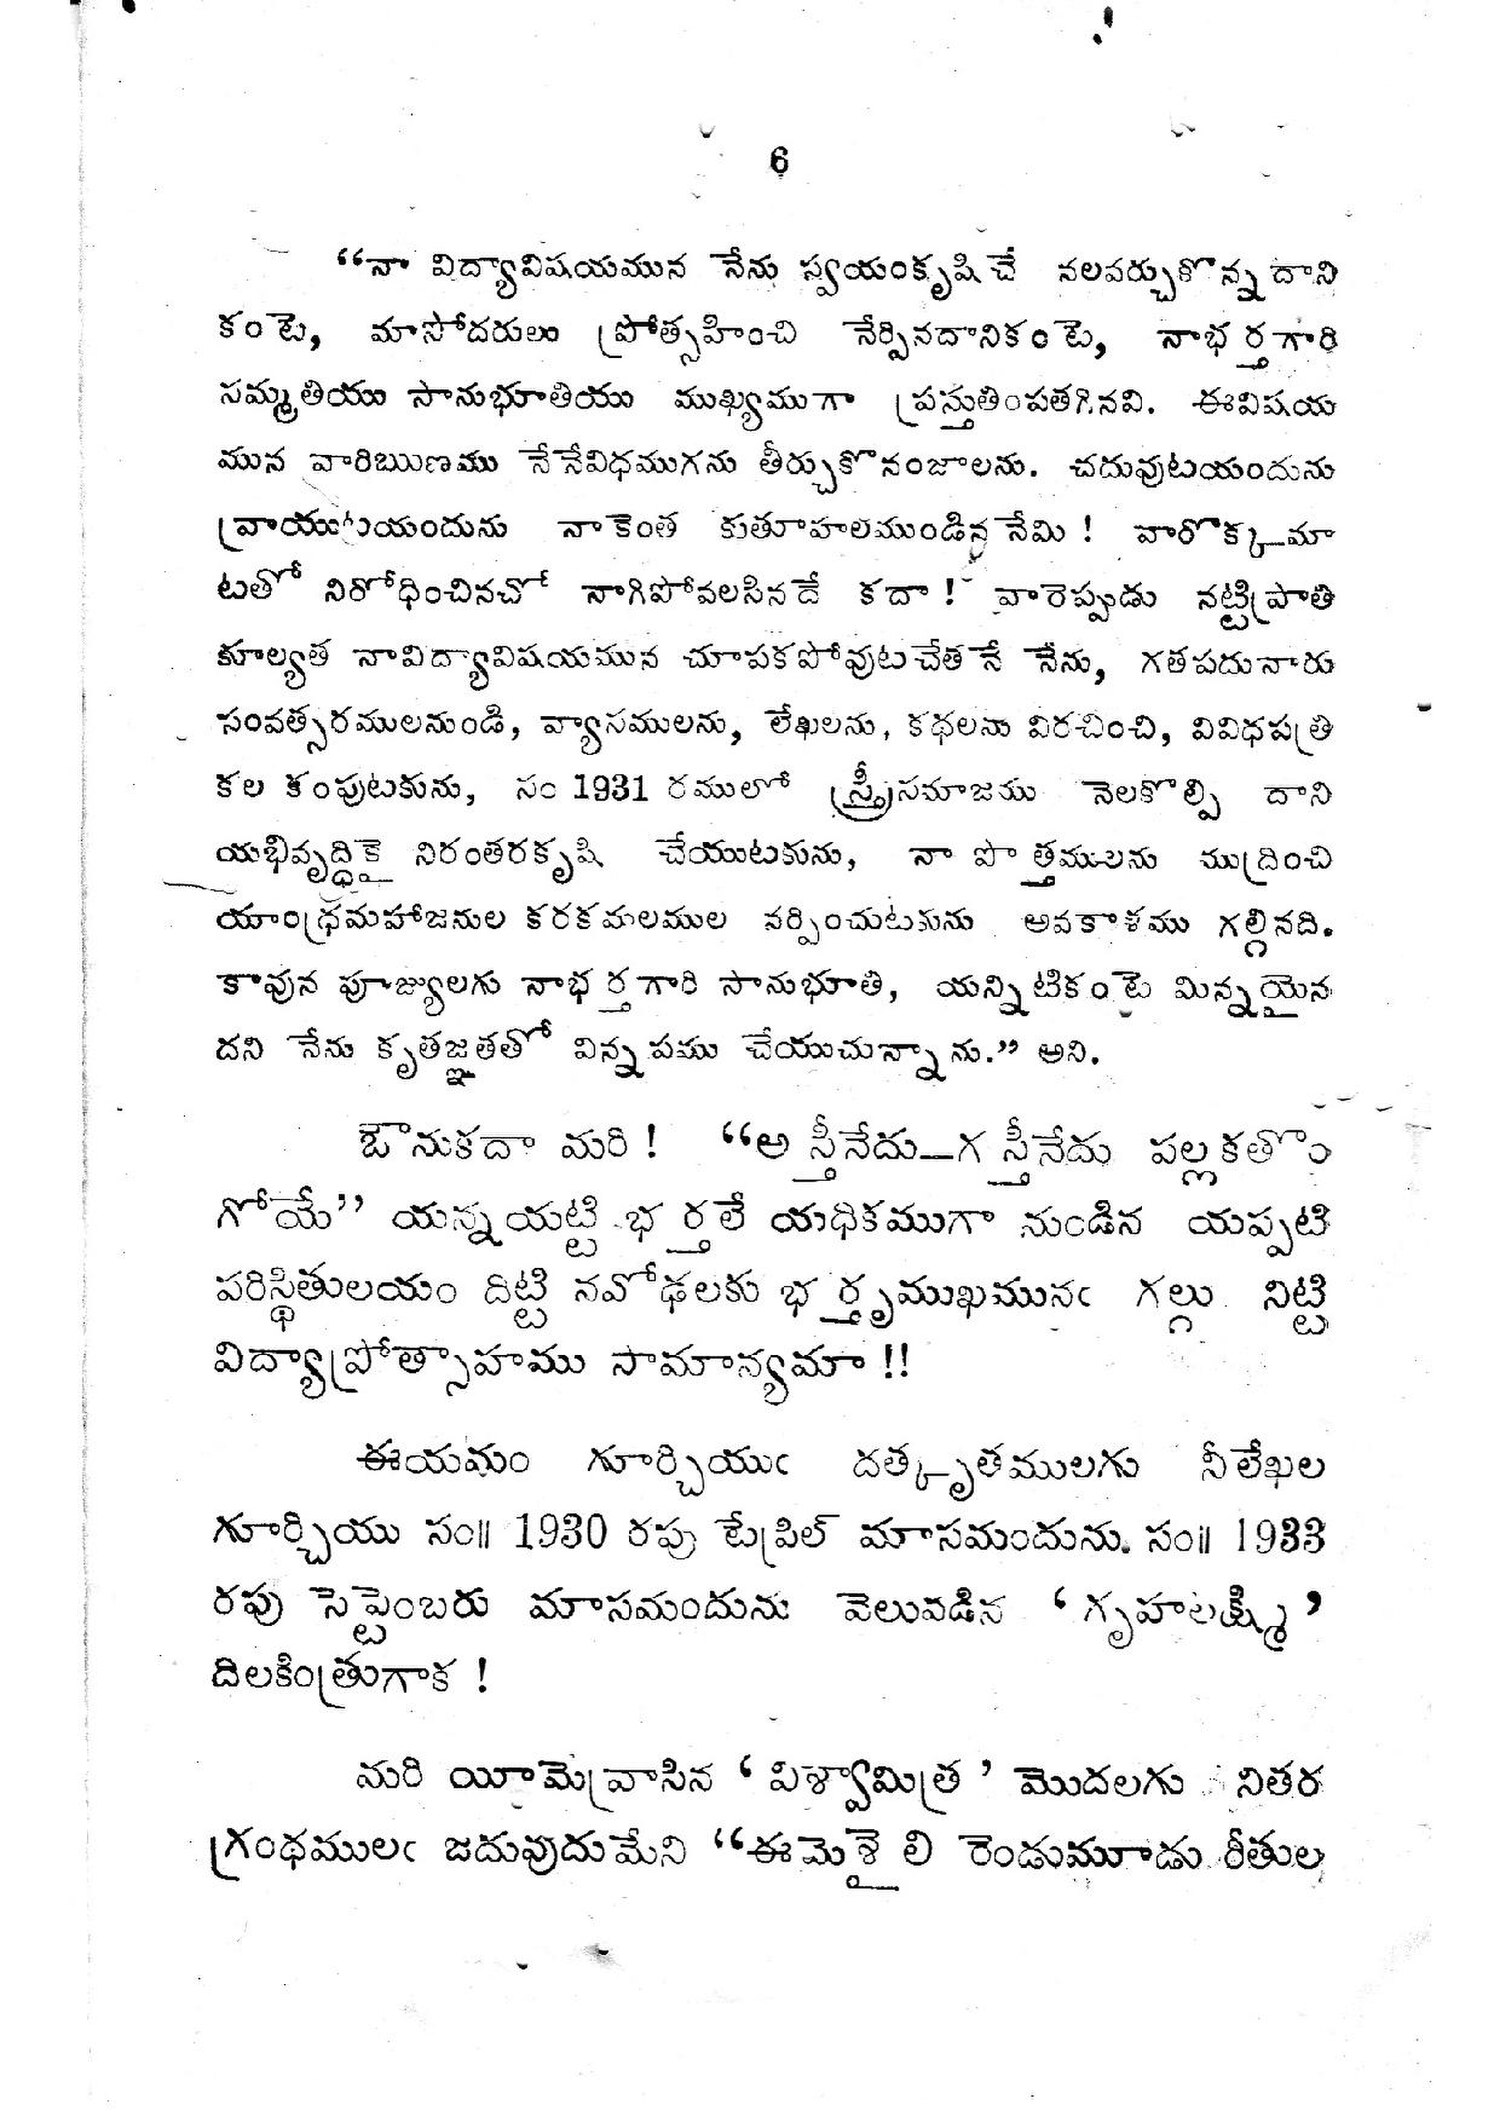"నా విద్యావిషయమున నేను స్వయంకృషిచే నలవర్చుకొన్నదానికంటె, మాసోదరులు ప్రోత్సహించి నేర్పినదానికంటె, నాభర్తగారి సమ్మతియు సానుభూతియు ముఖ్యముగా ప్రస్తుతింపతగినవి. ఈవిషయమున వారిఋణము నేనేవిధముగను తీర్చుకొనంజాలను. చదువుటయందును వ్రాయుటయందును నాకెంత కుతూహలముండిన నేమి ! వారొక్కమాటతో నిరోధించినచో నాగిపోవలసినదే కదా ! వారెప్పుడు నట్టిప్రాతికూల్యత నావిద్యావిషయమున చూపకపోవుటచేతనే నేను, గతపదునారు సంవత్సరములనుండి, వ్యాసములను, లేఖలను, కథలను విరచించి, వివిధపత్రికల కంపుటకును, సం 1931 రములో స్త్రీసమాజము నెలకొల్పి దాని యభివృద్ధికై నిరంతరకృషి చేయుటకును, నా పొత్తములను ముద్రించి
యాంధ్రమహాజనుల కరకమలముల నర్పించుటకును అవకాశము గల్గినది. కావున పూజ్యులగు నాభర్తగారి సానుభూతి, యన్నిటికంటె మిన్నయైనదని నేను కృతజ్ఞతతో విన్నపము చేయుచున్నాను.” అని.

ఔనుకదా మరి ! "అస్తీనేదు-గస్తీనేదు పల్లకతొంగోయే” యన్నయట్టి భర్తలే యధికముగా నుండిన యప్పటి
పరిస్థితులయం దిట్టి నవోఢలకు భర్తృముఖమునఁ గల్గు నిట్టి విద్యాప్రోత్సాహము సామాన్యమా !!

ఈయమం గూర్చియుఁ దత్కృతములగు నీలేఖల గూర్చియు సం॥ 1930 రపు టేప్రిల్ మాసమందును. సం॥ 1933 రపు సెప్టెంబరు మాసమందును వెలువడిన 'గృహలక్ష్మి' దిలకింత్రుగాక !

మరి యీమెవ్రాసిన 'విశ్వామిత్ర' మొదలగు నితర గ్రంథములఁ జదువుదుమేని “ఈమెశైలి రెండుమూడు రీతుల